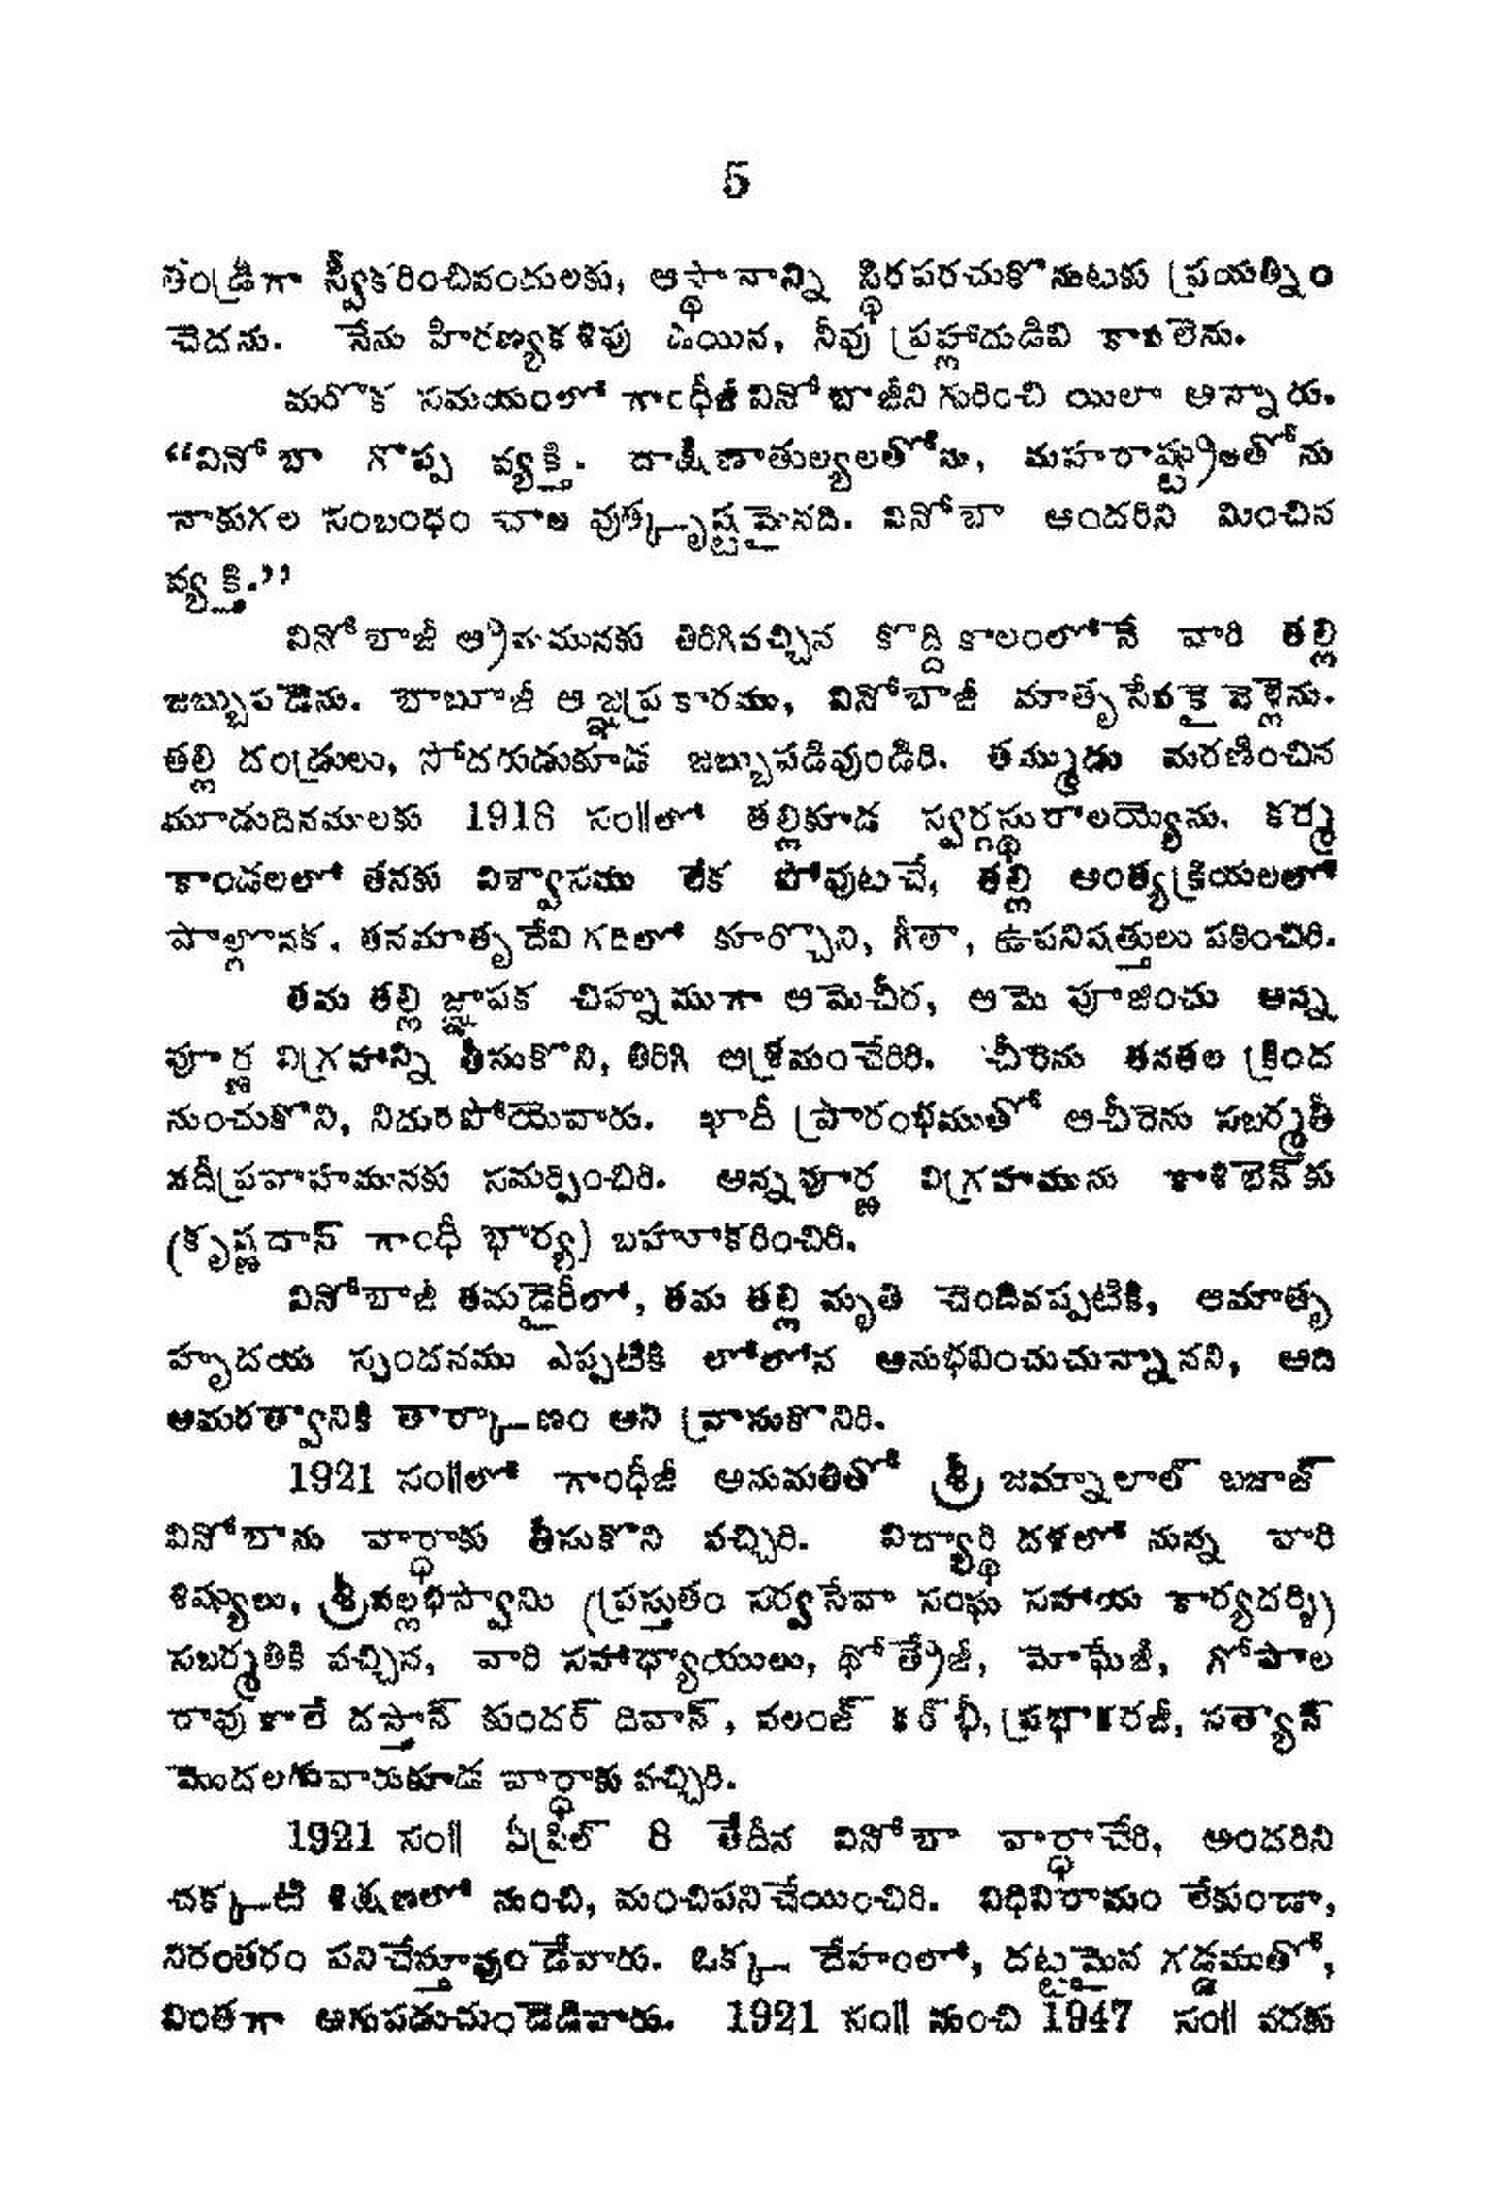తండ్రిగా స్వీకరించినందులకు, ఆస్థానాన్ని స్థిరపరచుకొనుటకు ప్రయత్నించెదను. నేను హిరణ్యకశిపు డయిన, నీవు ప్రహ్లాదుడివి కావలెను.

మరొక సమయంలో గాంధీజీ వినోబాజీని గురించి యిలా అన్నారు. "వినోబా గొప్ప వ్యక్తి. దాక్షిణాతుల్యలతోను, మహరాష్ట్రులతోను నాకుగల సంబంధం చాల వుత్కృష్టమైనది. వినోబా అందరిని మించిన వ్యక్తి." 

వినోబాజీ అశ్రమమునకు తిరిగివచ్చిన కొద్దికాలంలోనే వారి తల్లి జుబ్బుపడెను. బాబూజీ ఆజ్ఞప్రకారము, వినోబాజీ మాతృసేవకై వెళ్లెను. తల్లి దండ్రులు, సోదరుడుకూడ జబ్బుపడివుండిరి, తమ్ముడు మరణించిన మూడుదినములకు 1918 సం||లో తల్లికూడ స్వర్గస్థురాలయ్యెను. కర్మ కాండలలో తనకు విశ్వాసము లేక పోవుటచే, తల్లి అంత్యక్రియలలో పాల్గొనక, తనమాతృదేవి గదిలో కూర్చొని, గీతా, ఉపనిషత్తులు పఠించిరి.

తమ తల్లి జ్ఞాపక చిహ్నముగా ఆమెచీర, ఆమె పూజించు అన్నపూర్ణ విగ్రహాన్ని తీసుకొని, తిరిగి ఆశ్రమంచేరిరి. చీరెను తనతల క్రింద నుంచుకొని, నిదురపోయేవారు. ఖాదీ ప్రారంభముతో అచీరెను సబర్మతీ నదీప్రవాహమునకు సమర్పించిరి. అన్నపూర్ణ విగ్రహమును కాశిబెన్‌కు (కృష్ణదాస్ గాంధీ భార్య) బహూకరించిరి.

వినోబాజీ తమడైరీలో, తమ తల్లి మృతి చెందినప్పటికి, ఆమాతృ హృదయ స్పందనము ఎప్పటికి లోలోన అనుభవించుచున్నానని, అది అమరత్వానికి తార్కాణం అని వ్రాసుకొనిరి.

1921 సం||లో గాంధీజీ అనుమతితో శ్రీ జమ్నాలాల్ బజాజ్ వినోబాను వార్గాకు తీసుకొని వచ్చిరి. విద్యార్థి దశలో నున్న వారి శిష్యులు, శ్రీవల్లభస్వామి (ప్రస్తుతం సర్వసేవా సంఘ సహాయ కార్యదర్శి) సబర్మతికి వచ్చిన, వారి సహాధ్యాయులు, థోత్రేజీ, 'మోఘేజీ, గోపాలరావుకా లే దస్తాన్ కుందర్ దివాన్ , వలంజ్ కర్ భీ, ప్రభాకరజీ, సత్యాన్ మొదలగువారుకూడ వార్ధాకు వచ్చిరి.

1921 సం|| ఏప్రిల్ 8 తేదీన వినోబా వార్ధాచేరి, అందరిని చక్కటి శిక్షణలో నుంచి, మంచిపనిచేయించిరి. విధివిరామం లేకుండా, నిరంతరం పనిచేస్తూవుండేవారు. బక్క దేహంలో, దట్టమైన గడ్డముతో, వింతగా అగుపడుచుండెడివారు. 1921 సం!! నుంచి 1947 సం|| వరకు